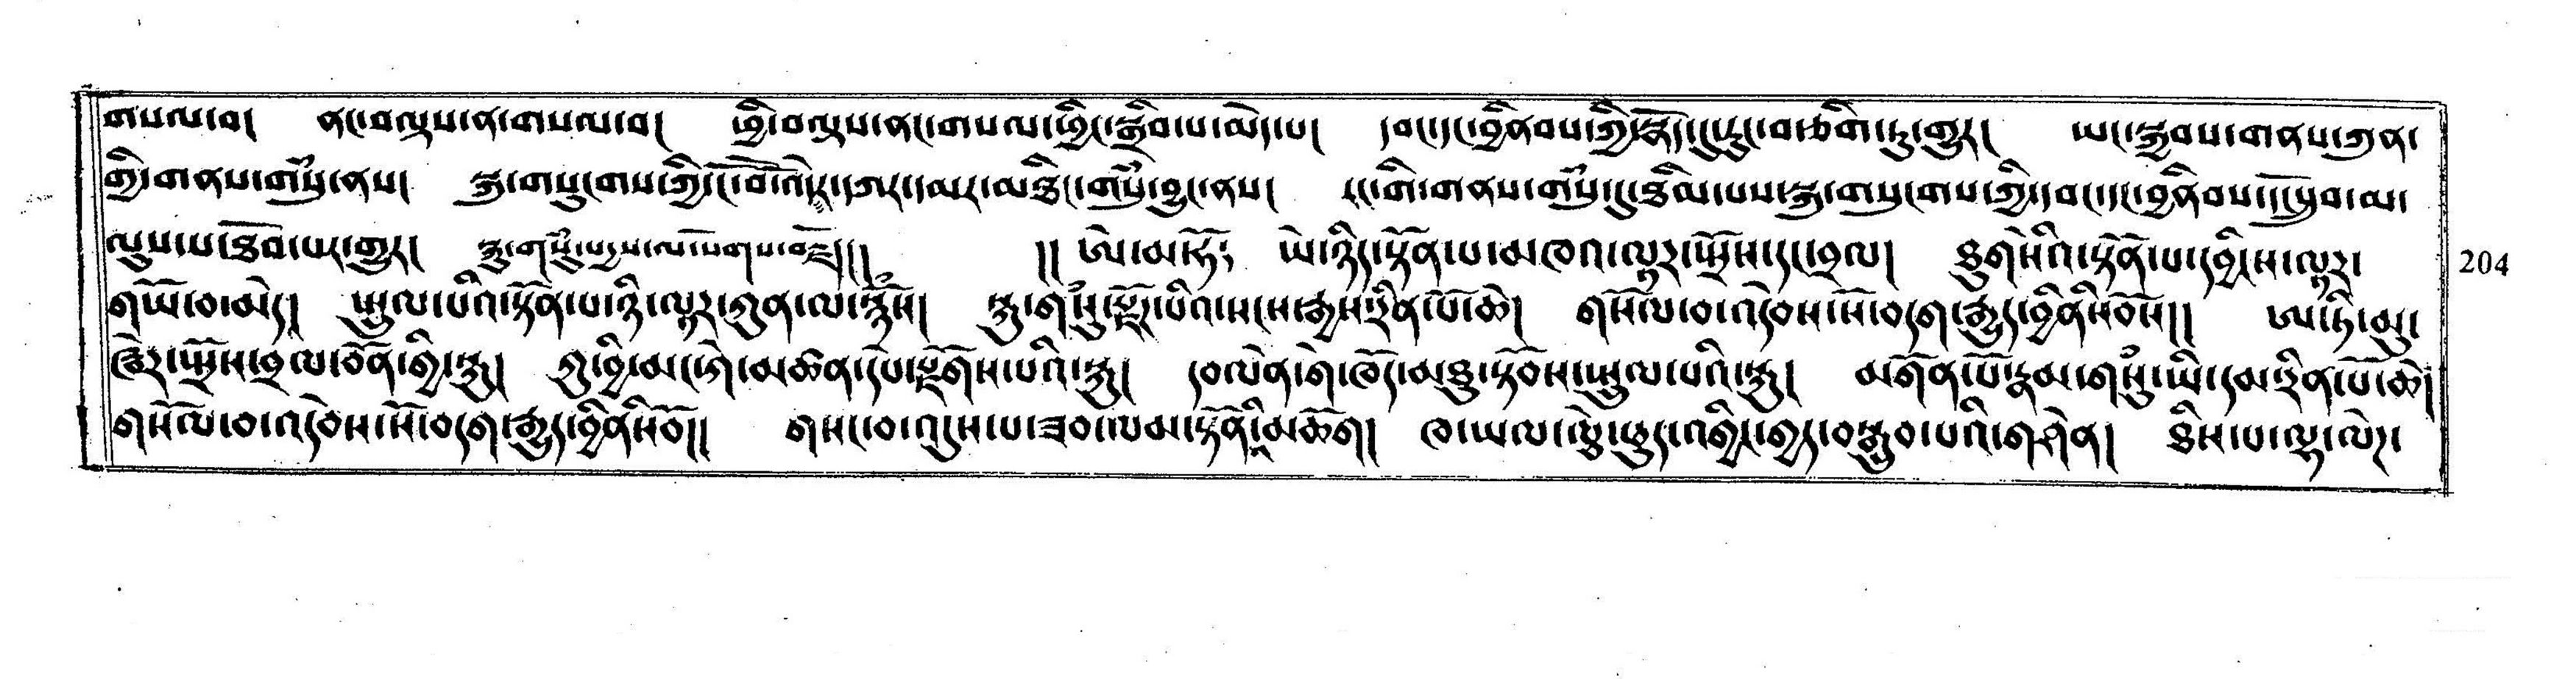གསལ་བ། ནང་བལྟས་ན་གསལ་བ། ཕྱི་བལྟས་ནང་གསལ་ཕྱི་ནང་སྒྲིབ་པ་མེད་པ། དབང་དང་བྱིན་རླབས་ཀྱི་སྣོད་དུ་རུང་བ་ཅིག་ཏུ་གྱུར། ཡང་སྐྱབས་གནས་ཀུན་
གྱི་གནས་གསུམ་ནས། སྐུ་གསུང་ཐུགས་ཀྱི་ངོ་བོ་འོད་ཟེར་དཀར་དམར་མཐིང་གསུམ་བྱུང་ནས། རང་གི་གནས་གསུམ་དུ་ཐིམ་པས་སྐུ་གསུང་ཐུགས་ཀྱི་དབང་དང་བྱིན་རླབས་དངོས་གྲུབ་མ་
ལུས་པ་ཐོབ་པར་གྱུར། སྐུ་གསུམ་སངས་རྒྱས་ལ་སོགས་བརྗོད།། །།ཨེ་མ་ཧོ། ཡེ་ཉིད་སྟོན་པ་མཁའ་ལྟར་སྤྲོས་དང་བྲལ། ཐུགས་རྗེའི་སྟོན་པ་དབྱིངས་ལྟར་
གཡོ་བ་མེད། སྤྲུལ་པའི་སྟོན་པ་ཉི་ལྟར་ཀུན་ལ་སྙོམས། སྐུ་གསུམ་རྫོགས་པའི་སངས་རྒྱས་རིན་པོ་ཆེ། གསོལ་བ་འདེབས་སོ་བདག་རྒྱུད་བྱིན་གྱིས་རློབས།། ཨ་ཏི་མུ་
ཝེར་སྤྲོས་བྲལ་བོན་གྱི་སྐུ། ཀུ་བྱི་མང་ཀེ་མཚན་དཔེ་རྫོགས་པའི་སྐུ། དབལ་ཆེན་གེ་ཁོད་མཐུ་སྟོབས་སྤྲུལ་པའི་སྐུ། མགོན་པོ་རྣམ་གསུམ་ཡི་དམ་རིན་པོ་ཆེ། 
གསོལ་བ་འདེབས་སོ་བདག་རྒྱུད་བྱིན་གྱིས་རློབས།། གསང་བ་འདུས་པ་ཟབ་ལམ་སྟོན་པའི་མཆོག ཁ་ཡལ་ལྕེ་ཕུད་འགྱིང་གྱད་བསྒྲུབ་པའི་གཤེན། ཐིས་པ་ལྷ་ལེགས་